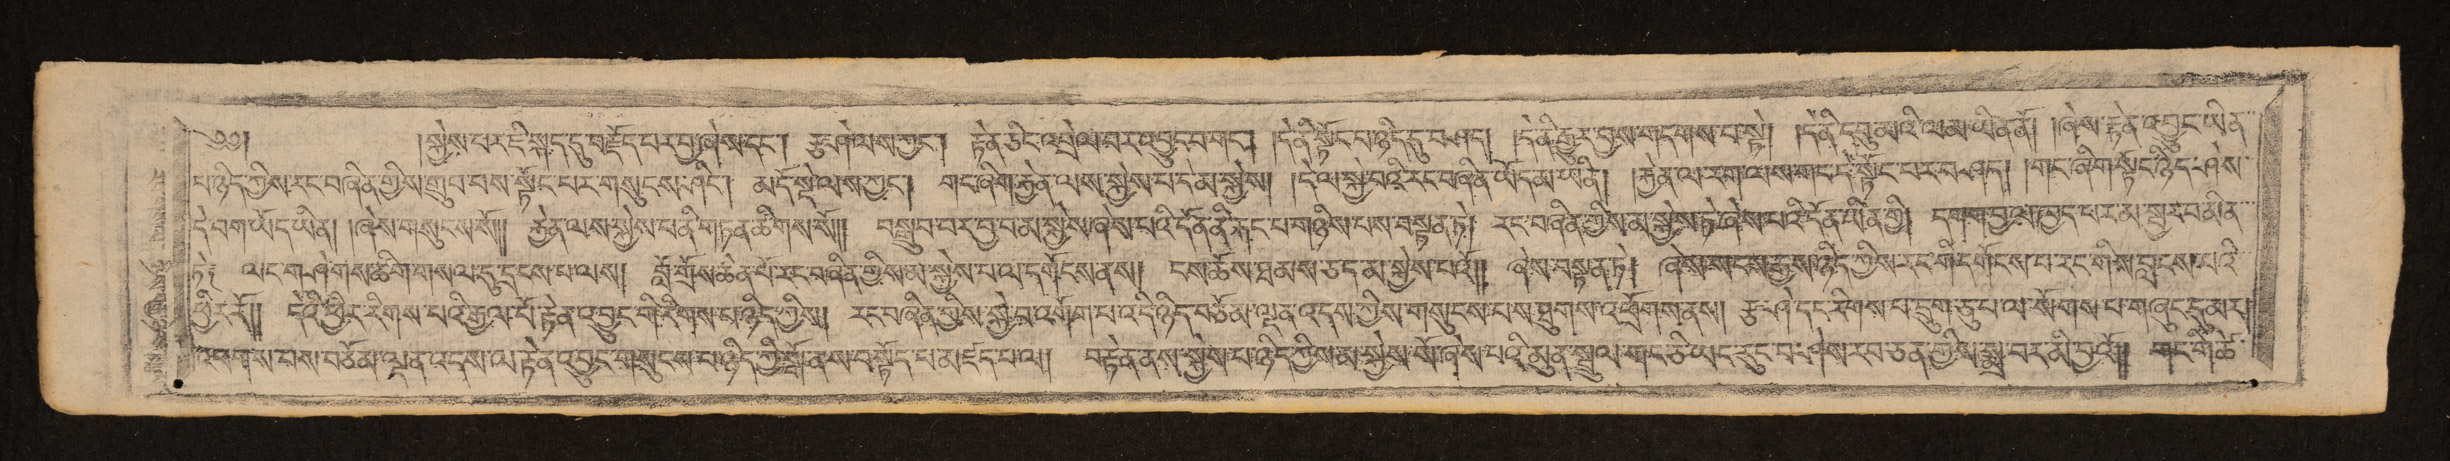༄༅། །སྐྱེས་པར་ཇི་སྐད་དུ་བརྗོད་པར་བྱ་ཞེས་དང་། རྩ་ཤེ་ལས་ཀྱང་། རྟེན་ཅིང་འབྲེལ་བར་འབྱུང་བ་གང་། །དེ་ནི་སྟོང་པ་ཉིད་དུ་བཤད། །དེ་ནི་རྒྱུར་བྱས་གདགས་པ་སྟེ། །དེ་ནི་དབུ་མའི་ལམ་ཡིན་ནོ། །ཞེས་རྟེན་འབྱུང་ཡིན་
པ་ཉིད་ཀྱིས་རང་བཞིན་གྱིས་གྲུབ་པས་སྟོང་པར་གསུངས་ཤིང་། མདོ་སྡེ་ལས་ཀྱང་། གང་ཞིག་རྐྱེན་ལས་སྐྱེས་པ་དེ་མ་སྐྱེས། །དེ་ལ་སྐྱེ་བའི་རང་བཞིན་ཡོད་མ་ཡིན། །རྐྱེན་ལ་རག་ལས་གང་དེ་སྟོང་པར་བཤད། །གང་ཞིག་སྟོང་ཉིད་ཤེས་
དེ་བག་ཡོད་ཡིན། །ཞེས་གསུངས་སོ།། རྐྱེན་ལས་སྐྱེས་པ་ནི་གཏན་ཚིགས་སོ།། བསྒྲུབ་པར་བྱ་བ་མ་སྐྱེས་ཞེས་པའི་དོན་ནི་རྐང་པ་གཉིས་པས་བསྟན་ཏེ། རང་བཞིན་གྱིས་མ་སྐྱེས་ཏེ་ཞེས་པའི་དོན་ཡིན་གྱི། དགག་བྱ་ལ་ཁྱད་པར་མ་སྦྱར་བ་མིན་
ཏེ༑ ལང་གཤེགས་ཚིག་གསལ་དུ་དྲངས་པ་ལས། བློ་གྲོས་ཆེན་པོ་རང་བཞིན་གྱིས་མ་སྐྱེས་པ་ལ་དགོངས་ནས། ངས་ཆོས་ཐམས་ཅད་མ་སྐྱེས་པའོ།། ཞེས་བསྟན་ཏེ། ཞེས་སངས་རྒྱས་ཉིད་ཀྱིས་རང་གི་དགོངས་པ་རང་གིས་བླངས་པའི་
ཕྱིར་རོ།། དེའི་ཕྱིར་རིགས་པའི་རྒྱལ་པོ་རྟེན་འབྱུང་གི་རིགས་པ་ཉིད་ཀྱིས། རང་བཞིན་གྱིས་སྐྱེ་བ་འགོག་པ་འདི་ཉིད་བཅོམ་ལྡན་འདས་ཀྱིས་གསུངས་པས་ཐུགས་ཕྲོགས་ནས། རྩ་ཤེ་དང་རིགས་པ་དྲུག་ཅུ་པ་ལ་སོགས་པ་གཞུང་དུ་མར།
འཕགས་པས་བཅོམ་ལྡན་འདས་ལ་རྟེན་འབྱུང་གསུངས་པ་ཉིད་ཀྱི་སྒོ་ནས་བསྟོད་པ་མཛད་པ་ལ། བརྟེན་ནས་སྐྱེས་པ་ཉིད་ཀྱིས་མ་སྐྱེས་སོ་ཞེས་པའི་མུན་སྤྲུལ་གང་ཅི་ཡང་རུང་བ་ཤེས་རབ་ཅན་གྱིས་སྨྲ་བར་མི་བྱའོ།། གང་གི་ཚེ་